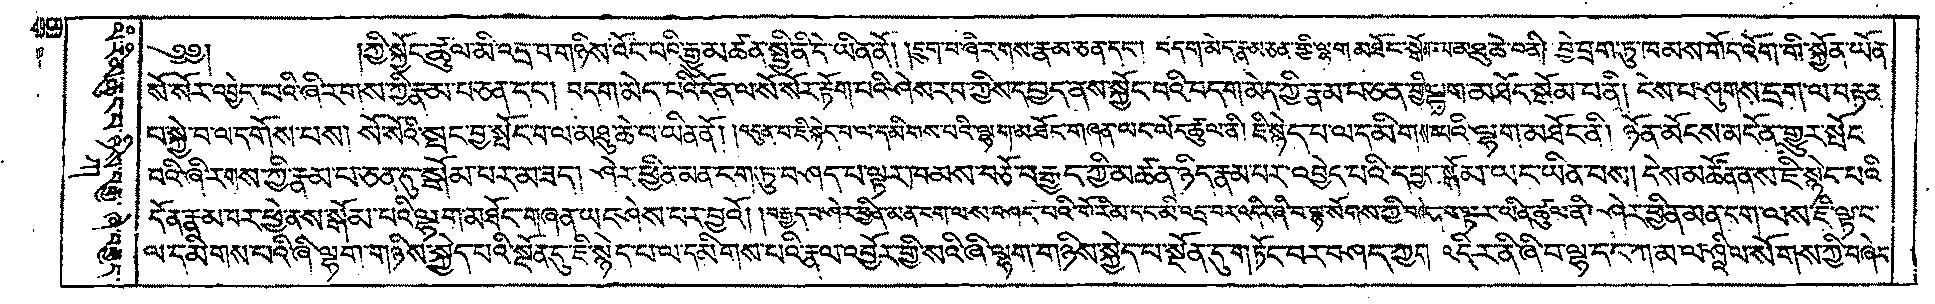༄༅། །ཀྱི་སྐྱོང་ཚུལ་མི་འདྲ་བ་གཉིས་འོང་བའི་རྒྱུ་མཚན་སྤྱི་ནི་དེ་ཡིན་ནོ། །དྲུག་པ་ཞི་རགས་རྣམ་ཅན་དང་། བདག་མེད་རྣམ་ཅན་གྱི་ལྷག་མཐོང་སྒོམ་པ་མཐུ་ཆེ་བ་ནི།  བྱེ་བྲག་ཏུ་ཁམས་གོང་འོག་གི་སྐྱོན་ཡོན་
སོ་སོར་འབྱེད་པའི་ཞི་རགས་ཀྱི་རྣམ་པ་ཅན་དང་། བདག་མེད་པའི་དོན་ལ་སོ་སོར་རྟོག་པའི་ཤེས་རབ་ཀྱིས་དཔྱད་ནས་སྐྱོང་བའི་བདག་མེད་ཀྱི་རྣམ་པ་ཅན་གྱི་ལྷག་མཐོང་སྒོམ་པ་ནི། ངེས་པ་ཤུགས་དྲག་ལ་བརྟན་
པ་སྐྱེ་བ་ལ་དགོས་པས། སོ་སོའི་སྤང་བྱ་སྤོང་བ་ལ་མཐུ་ཆེ་བ་ཡིན་ནོ། །འདུན་པ་ཇི་སྙེད་པ་ལ་དམིགས་པའི་ལྷག་མཐོང་གཞན་ཡང་ཡོད་ཚུལ་ནི།  ཇི་སྙེད་པ་ལ་དམིགས་པའི་ལྷག་མཐོང་ནི། ཉོན་མོངས་མངོན་གྱུར་སྤོང་
བའི་ཞི་རགས་ཀྱི་རྣམ་པ་ཅན་དུ་སྒོམ་པར་མ་ཟད། ཤེར་ཕྱིན་མན་ངག་ཏུ་བཤད་པ་ལྟར་ཁམས་བཅོ་བརྒྱད་ཀྱི་མཚན་ཉིད་རྣམ་པར་འབྱེད་པའི་དཔྱད་སྒོམ་ཡང་ཡིན་པས། དེས་མཚོན་ནས་ཇི་སྙེད་པའི་
དོན་རྣམ་པར་ཕྱེ་ནས་སྒོམ་པའི་ལྷག་མཐོང་གཞན་ཡང་ཤེས་པར་བྱའོ། །བརྒྱད་པ་ཤེར་ཕྱིན་མན་ངག་ལས་བཤད་པའི་གོ་རིམ་དང་མི་འདྲ་བར་འདིར་ཞི་བ་ལྷ་སོགས་ཀྱི་བཞེད་པ་ལྟར་ཡིན་ཚུལ་ནི།  ཤེར་ཕྱིན་མན་ངག་ལས་ཇི་ལྟ་བ་
ལ་དམིགས་པའི་ཞི་ལྷག་གཉིས་སྐྱེད་པའི་སྔོན་དུ་ཇི་སྙེད་པ་ལ་དམིགས་པའི་རྣལ་འབྱོར་གྱི་སའི་ཞི་ལྷག་གཉིས་སྐྱེད་པ་སྔོན་དུ་གཏོང་བར་བཤད་ཀྱང་། འདིར་ནི་ཞི་བ་ལྷ་དང་ཀ་མ་ལ་ཤཱི་ལ་སོགས་ཀྱི་བཞེང་